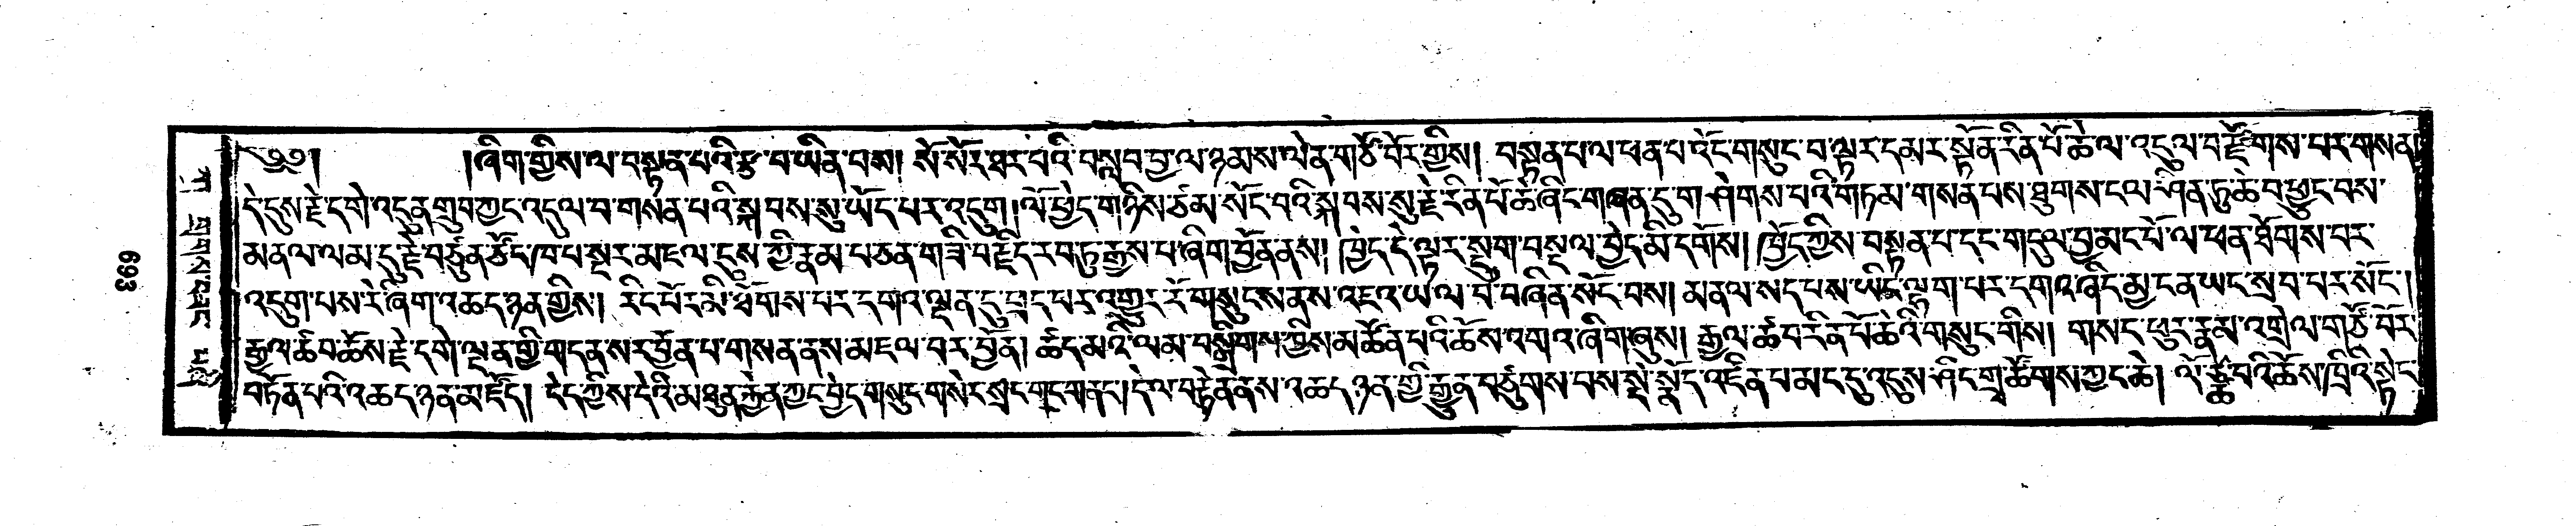༄༅། །ཞིག་གྱིས་ལ་བསྟན་པའི་བྱ་བ་ཡིན་པས། སོ་སོར་ཐར་པའི་བསླབ་བྱ་ལ་ཉམས་ལེན་གཙོ་བོར་གྱིས། བསྟན་པ་ལ་ཕན་པ་འོང་གསུང་བ་ལྟར་དམར་སྟོན་རིན་པོ་ཆེ་ལ་འདུལ་བ་རྫོགས་པར་གསན།
དེ་དུས་རྗེ་དགེ་འདུན་གྲུབ་ཀྱང་འདུལ་བ་གསན་པའི་སྐབས་སུ་ཡོད་པར་འདུག །ལོ་ཕྱེད་གཉིས་ཙམ་སོང་བའི་སྐབས་སུ་རྗེ་རིན་པོ་ཆེ་ཞིང་གཞན་དུ་གཤེགས་པའི་གཏམ་གསན་པས་ཐུགས་ངལ་ཤིན་ཏུ་ཆེ་བ་བྱུང་བས་
མནལ་ལམ་དུ་རྗེ་བཙུན་ཙོང་ཁ་པ་སྔར་མཇལ་དུས་ཀྱི་རྣམ་པ་ཅན་གཟི་བརྗིད་རབ་ཏུ་རྒྱས་པ་ཞིག་བྱོན་ནས། ཁྱེད་དེ་ལྟར་སྡུག་བསྔལ་བྱེད་མི་དགོས། ཁྱོད་ཀྱིས་བསྟན་པ་དང་གདུལ་བྱ་མང་པོ་ལ་ཕན་ཐོགས་པར་
འདུག་པས་རེ་ཞིག་འཆད་ཉན་གྱིས། རིང་པོར་མི་ཐོགས་པར་དགའ་ལྡན་དུ་ཕྲད་པར་འགྱུར་རོ་གསུངས་ནས་འཇའ་ཡལ་བ་བཞིན་སོང་བས། མནལ་སད་པས་ཡིད་ལྷག་པར་དགའ་ཞིང་མྱ་ངན་ཡང་སྲབ་པར་སོང་།
རྒྱལ་ཚབ་ཆོས་རྗེ་དགེ་ལྡན་གྱི་གདན་སར་བྱོན་པ་གསན་ནས་མཇལ་བར་བྱོན། ཚད་མའི་ལམ་བསྒྲིགས་ཀྱིས་མཚོན་པའི་ཆོས་འགའ་ཞིག་ཞུས། རྒྱལ་ཚབ་རིན་པོ་ཆེའི་གསུང་གིས། གསང་ཕུར་རྣམ་འགྲེལ་གཙོ་བོར་
བཏོན་པའི་འཆད་ཉན་མཛོད། ངེད་ཀྱིས་དེའི་མཐུན་རྐྱེན་ཀྱང་བྱེད་གསུང་གསེར་སྲང་གང་གནང་། དེ་ལ་བརྟེན་ནས་འཆད་ཉན་གྱི་རྒྱུན་བཙུགས་པས་སྡེ་སྣོད་འཛིན་པ་མང་དུ་འདུས་ཤིང་གྲྭ་ཚོགས་ཀྱང་ཆེ། ལོ་ཙྪ་བའི་ཆོས་ཁྲིའི་སྟེང་